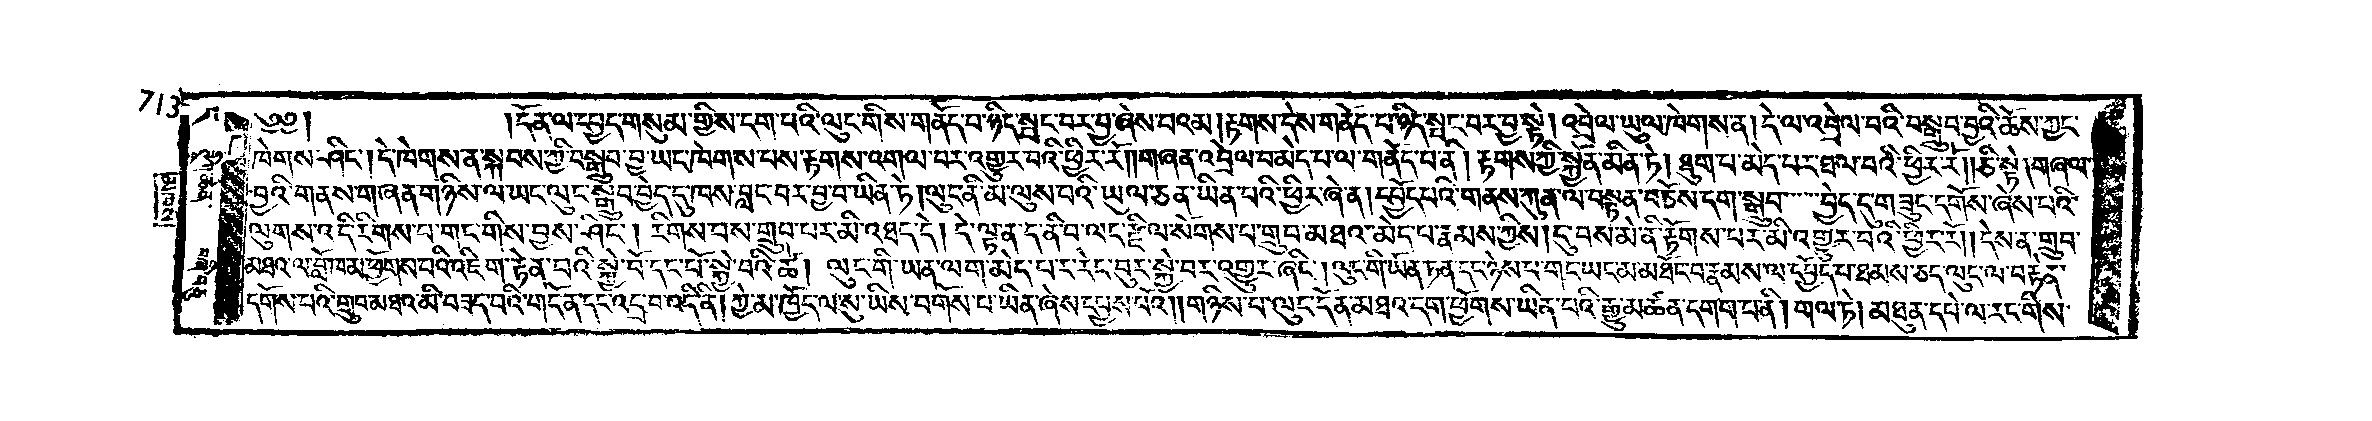༄༅། །དོན་ལ་དཔྱད་གསུམ་གྱིས་དག་པའི་ལུང་གིས་གནོད་པ་ཉིད་སྤང་བར་བྱ་ཞེས་པའམ། རྟགས་དེས་གནོད་པ་ཉིད་སྤང་བར་བྱ་སྟེ། འབྲེལ་ཡུལ་ཁྱེགས་ན། དེ་ལ་འབྲེལ་བའི་བགྲུབ་བྱའི་ཆོས་ཀྱང་
ཁེགས་ཤིང་། དེ་ཁེགས་ན་སྐབས་ཀྱི་བསྒྲུབ་བྱ་ཡང་ཁེགས་པས་རྟགས་འགལ་བར་ཕྱིར་རོ། །གཞན་འབྲེལ་བ་མེད་པ་ལ་གནོད་པ་ནི། རྟགས་ཀྱི་སྐྱོན་མིན་ཏེ། ཐུག་པ་མེད་པར་ཐལ་བའི་ཕྱིར་རོ། །ཅི་སྟེ། གཞལ་
བྱའི་གནས་གཞན་གཉིས་ལ་ཡུལ་ལུང་སྒྲུབ་བྱེད་དུ་ཁས་བླངས་བར་བྱ་བ་ཡིན་ཏེ། ལུང་ནི་མ་ལུས་པའི་ཡུལ་ཅན་ཡིན་པའི་ཕྱིར་ཞེ་ན། དཔྱོད་པའི་གནས་ཀུན་ལ་བསྟན་བཅོས་དག་སྒྲུབ་བྱེད་དུ་གཟུང་དགོས་ཞེས་པའི་
ལུགས་འདི་རིགས་པ་གང་གིས་བྱས་ཤིང་། རིགས་པས་གྲུབ་པར་མི་འཐད་དེ། དེ་ལྟ་ན་ད་ནི་བ་ལང་རྫི་ལ་སོགས་པ་གྲུབ་མཐའ་མེད་པ་རྣམས་ཀྱིས། དུ་བས་མེ་ནི་རྟོགས་པར་མི་འགྱུར་བའི་ཕྱིར་རོ། །དེས་ན་གྲུབ་
མཐའ་ལ་བློ་ཁ་མ་ཕྱོགས་པའི་འཇིག་རྟེན་པའི་སྐྱེ་བོ་དང་པོ་སྐྱེ་བའི་ཚེ། ལུང་གི་ཡན་ལག་མེད་པ་རང་རེང་བུར་སྐྱེ་བར་འགྱུར་ཞིང་། ལུང་གི་ཡོན་ཏན་དང་ཉེས་པ་གང་ཡང་མ་མཐོང་བ་རྣམས་ལ་དཔྱོད་པ་ཐམས་ཅད་ལུང་ལ་བརྟེན་
དགོས་པའི་གྲུབ་མཐའ་མི་བཟོད་པའི་གདོན་དང་འདྲ་བ་འདི་ནི། ཀྱེ་མ་ཁྱོད་ལ་སུ་ཡིས་བགོས་པ་ཡིན་ཞེས་དཔྱས་པའོ། །གཉིས་པ་ལུང་དོན་མཐའ་དག་ཕྱོགས་ཡིན་པའི་རྒྱུ་མཚན་དགག་པ་ནི། མཐུན་པེར་ལ་རང་གིས་